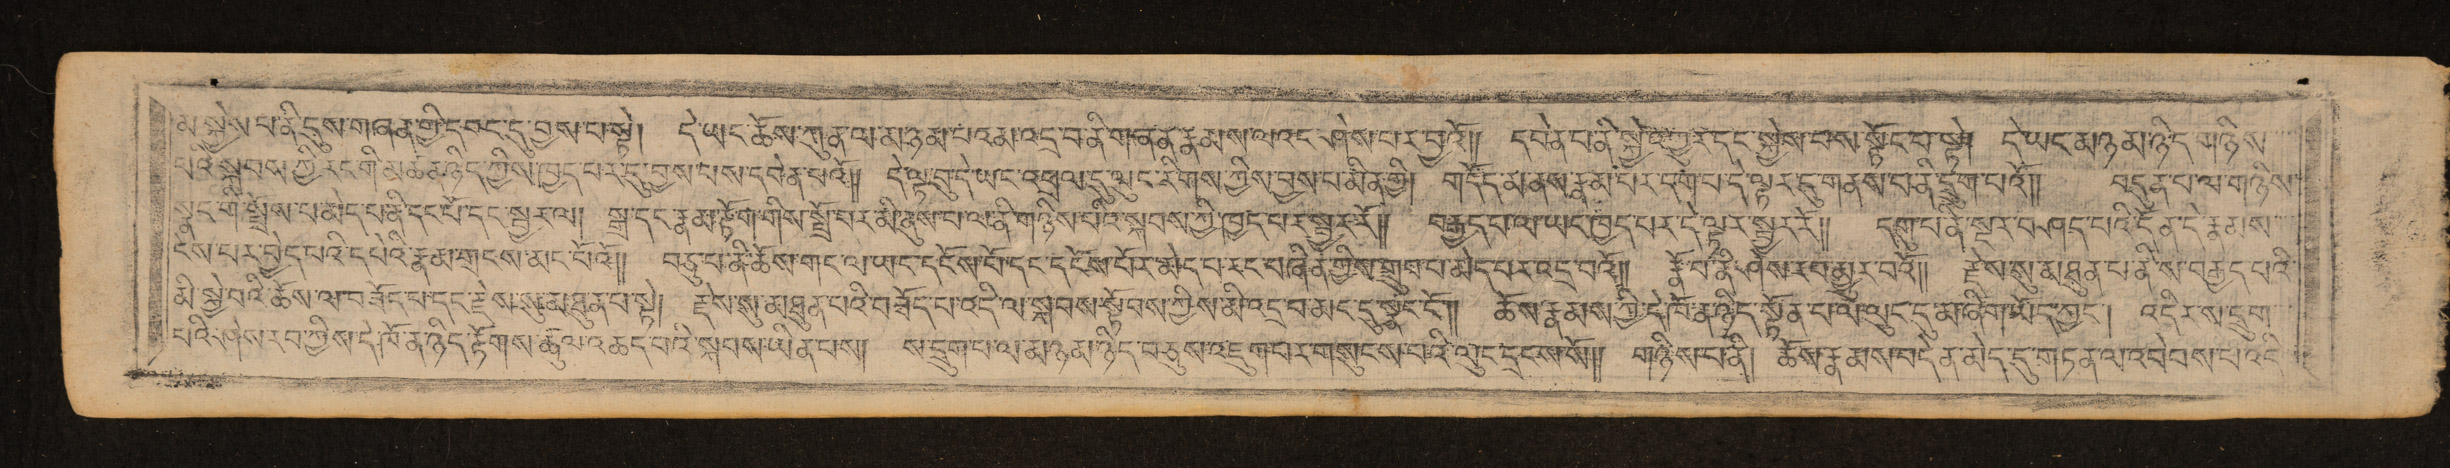མ་སྐྱེས་པ་ནི་དུས་གཞན་གྱི་དབང་དུ་བྱས་པ་སྟེ། དེ་ཡང་ཆོས་ཀུན་ལ་མཉམ་པའམ་འདྲ་བ་ནི་གཞན་རྣམས་ལའང་ཤེས་པར་བྱའོ།། དབེན་པ་ནི་སྐྱེ་འགྱུར་དང་སྐྱེས་པས་སྟོང་བ་སྟེ། དེ་ཡང་མཉམ་ཉིད་གཉིས་
པའི་སྐབས་ཀྱི་རང་གི་མཚན་ཉིད་ཀྱིས་ཁྱད་པར་དུ་བྱས་པས་དབེན་པའོ།། དེ་ལྟ་བུ་དེ་ཡང་འཕྲལ་དུ་ལུང་རིགས་ཀྱིས་བྱས་པ་མིན་གྱི། གདོད་མ་ནས་རྣམ་པར་དག་པ་དེ་ལྟར་དུ་གནས་པ་ནི་དྲུག་པའོ།། བདུན་པ་ལ་གཉིས་
སྣང་གི་སྤྲོས་པ་མེད་པ་ནི་དང་པོ་དང་སྦྱར་ལ། སྒྲ་དང་རྣམ་རྟོག་གིས་སྤྲོ་བར་མི་ནུས་པ་ལ་ནི་གཉིས་པའི་སྐབས་ཀྱི་ཁྱད་པར་སྦྱར་རོ།། བརྒྱད་པ་ལ་ཡང་ཁྱད་པར་དེ་ལྟར་སྦྱར་རོ།། དགུ་པ་ནི་སྔར་བཤད་པའི་དོན་དེ་རྣམས་
ངེས་པར་བྱེད་པའི་དཔེའི་རྣམ་གྲངས་མང་པོའོ།། བཅུ་པ་ནི་ཆོས་གང་ལ་ཡང་དངོས་པོ་དང་དངོས་པོར་མེད་པ་རང་བཞིན་གྱིས་གྲུབ་པ་མེད་པར་འདྲ་བའོ།། རྣོ་བ་ནི་ཤེས་རབ་མྱུར་བའོ།། རྗེས་སུ་མཐུན་པ་ནི་ས་བརྒྱད་པའི་
མི་སྐྱེ་བའི་ཆོས་ལ་བཟོད་པ་དང་རྗེས་སུ་མཐུན་པ་སྟེ། རྗེས་སུ་མཐུན་པའི་བཟོད་པ་འདི་ལ་སྐབས་སྟོབས་ཀྱིས་མི་འདྲ་བ་མང་དུ་སྣང་ངོ།། ཆོས་རྣམས་ཀྱི་དེ་ཁོ་ན་ཉིད་སྟོན་པ་ལ་ལུང་དུ་མ་ཞིག་ཡོད་ཀྱང་། འདིར་ས་དྲུག་
པའི་ཤེས་རབ་ཀྱིས་དེ་ཁོ་ན་ཉིད་རྟོགས་ཚུལ་འཆད་པའི་སྐབས་ཡིན་པས། ས་དྲུག་པ་ལ་མཉམ་ཉིད་བཅུས་འཇུག་པར་གསུངས་པའི་ལུང་དྲངས་སོ།། གཉིས་པ་ནི། ཆོས་རྣམས་བདེན་མེད་དུ་གཏན་ལ་འབེབས་པ་འདི་